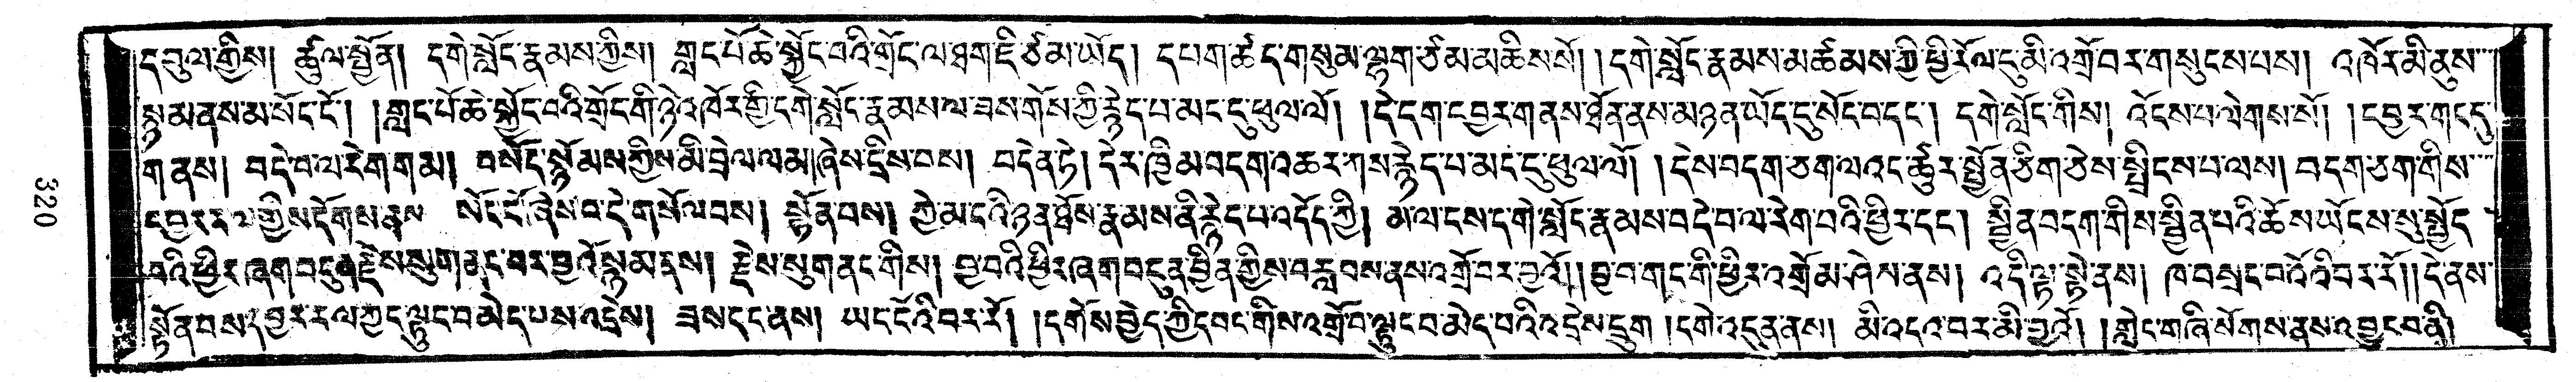དབུལ་གྱིས། ཚུལ་སྤྱོན། དགེ་སློང་རྣམས་ཀྱིས། གླང་པོ་ཆེ་སྐྱོང་བའི་གྲོང་ལ་ཐག་ཇི་ཙམ་ཡོད། དཔག་ཚད་གསུམ་ལྷག་ཙམ་མཆིས་སོ། །དགེ་སློང་རྣམས་མཚམས་ཀྱི་ཕྱི་རོལ་དུ་མི་འགྲོ་བར་གསུངས་པས། འཁོར་མི་ནུས་
སྙམ་ནས་མ་སོང་ངོ། །གླང་པོ་ཆེ་སྐྱོང་བའི་གྲོང་གི་ཉེ་འཁོར་གྱི་དགེ་སློང་རྣམས་ལ་ཟས་གོས་ཀྱི་རྙེད་པ་མང་དུ་ཕུལ་ལོ། །དེ་དག་དབྱར་གནས་ཐོན་ནས་མཉན་ཡོད་དུ་སོང་བ་དང་། དགེ་སློང་གིས། འོངས་པ་ལེགས་སོ། །དབྱར་གང་དུ་
གནས། བདེ་བ་ལ་རེག་གམ། བསོད་སྙོམས་ཀྱིས་མི་བྲེལ་ལམ། ཞེས་དྲིས་བས། བདེན་ཏེ། དེར་ཁྱིམ་བདག་འཆར་ཀས་རྙེད་པ་མང་དུ་ཕུལ་ལོ། །དེས་བདག་ཅག་ལའང་ཚུར་སྤྱོན་ཅིག་ཅེས་སྤྲིངས་པ་ལས། བདག་ཅག་གིས་
དབྱར་རལ་གྱིས་དོགས་ནས་སོང་ངོ་ཞེས་པ་དེ་གསོལ་བས། སྟོན་པས། ཀྱེ་མ་ངའི་ཉན་ཐོས་རྣམས་ནི་རྙེད་པ་འདོད་ཀྱི། མ་ལ་ངས་དགེ་སློང་རྣམས་བདེ་བ་ལ་རེག་པའི་ཕྱིར་དང་། སྦྱིན་བདག་གིས་སྦྱིན་པའི་ཆོས་ཡོངས་སུ་སྤྱོད་
བའི་ཕྱིར་ཞག་བདུན་རྗེས་སུ་གནང་བར་བྱའོ་སྙམ་ནས། རྗེས་སུ་གནང་གིས། བྱ་བའི་ཕྱིར་ཞག་བདུན་བྱིན་གྱིས་བརླབས་ནས་འགྲོ་བར་བྱའོ། །བྱ་བ་གང་གི་ཕྱིར་འགྲོམ་ཤེས་ནས། འདི་ལྟ་སྟེ་ནས། ཁ་བསྲང་བའོའི་བར་རོ། །དེ་ནས་
སྟོན་པས་དབྱར་རལ་ཀྱང་ལྟུང་བ་མེད་པས་འདྲེས། ཟས་དང་ནས། ཡང་ངོའི་བར་རོ། །དགོས་བྱེད་ཀྱི་དབང་གིས་འགྲོ་བ་ལྟུང་བ་མེད་པའི་འདྲེས་དྲུག །དགེ་འདུན་ནས། མི་འདའ་བར་མི་བྱའོ། །གླེང་གཞི་སོགས་ནས་འབྱུང་བ་ནི།